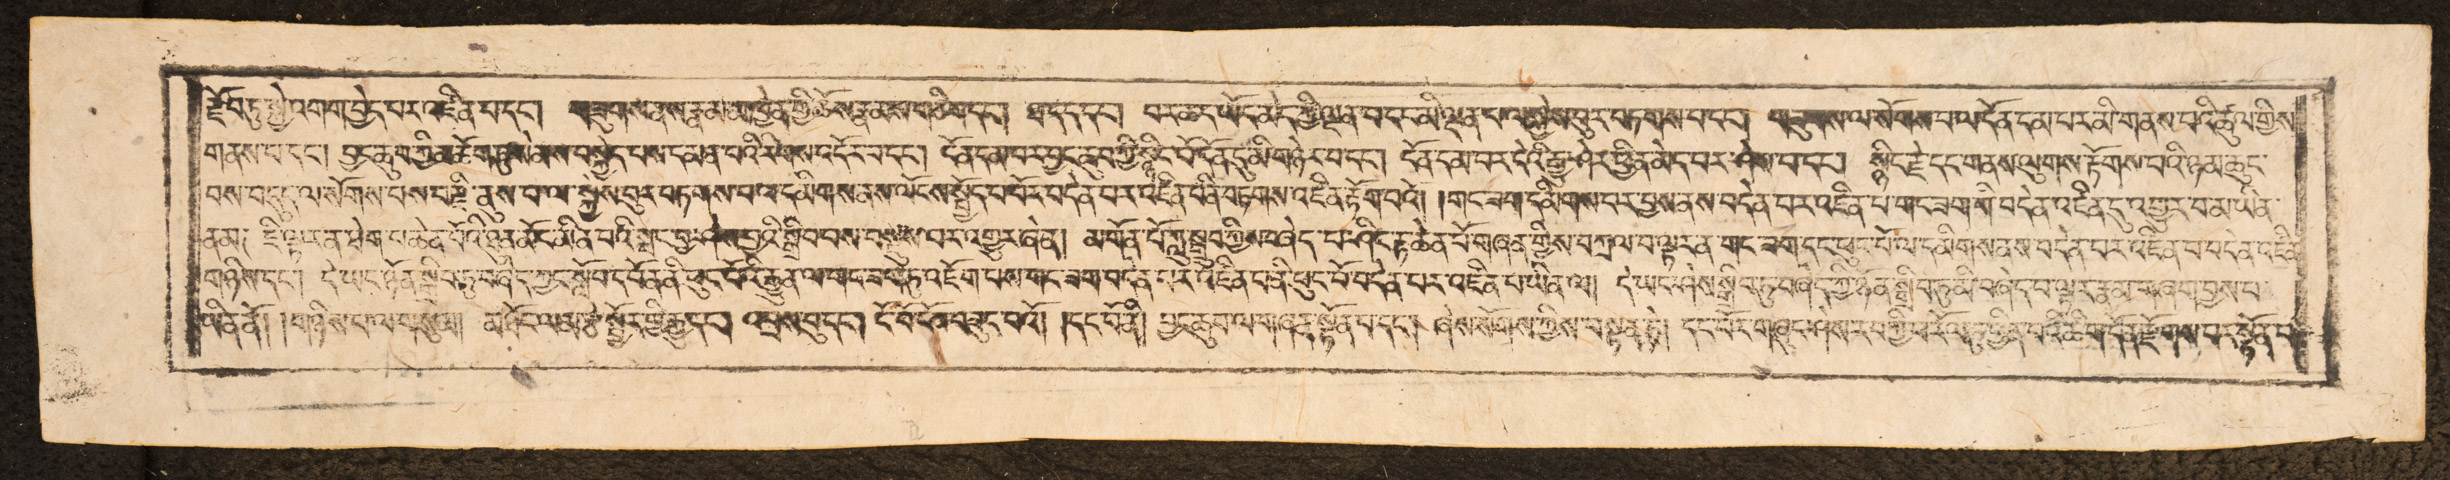རྫོབ་ཏུ་སྐྱེ་འགག་བྱེད་པར་འཛིན་པ་དང་། གཟུགས་ནས་རྣམ་མཁྱེན་གྱི་ཆོས་རྣམས་གཅིག་དང་། ཐ་དད་དང་། བར་ཆད་ཡོད་མེད་ཀྱི་ལྡན་པ་དང་མི་ལྡན་པ་ལ་སྐྱེས་བུར་བཏགས་པ་དང་། གཟུགས་ལ་སོགས་པ་ལ་དོན་དམ་པར་མི་གནས་པའི་ཚུལ་གྱིས་
གནས་པ་དང་། བྱང་ཆུབ་ཀྱི་མཆོག་ཏུ་སེམས་བསྐྱེད་པས་དམན་པའི་རིགས་འདོར་བ་དང་། དོན་དམ་པར་བྱང་ཆུབ་ཀྱི་སྙིང་པོ་དོན་དུ་མི་གཉེར་བ་དང་། དོན་དམ་པར་དེའི་རྒྱུ་ཤེར་ཕྱིན་མེད་པར་ཤེས་པ་དང་། སྙིང་རྗེ་དང་གནས་ལུགས་རྟོགས་པའི་ཉམ་ཆུང་
བས་བདུད་ལ་སོགས་པས་བརྫི་ནུས་པ་ལ་སྐྱེས་བུར་བཏགས་པ་ལ་དམིགས་ནས་ལོངས་སྤྱོད་པ་པོར་བདེན་པར་འཛིན་པ་ནི་བཏགས་འཛིན་རྟོག་པའོ། །གང་ཟག་དམིགས་པར་བྱས་ནས་བདེན་པར་འཛིན་པ་གང་ཟག་གི་བདེན་འཛིན་དུ་འགྱུར་བ་མ་ཡིན་
ནམ། ཇི་ལྟར་ན་ཐེག་པ་ཆེན་པོའི་ཐུན་མོང་མིན་པའི་སྤང་བྱ་ཤེས་བྱའི་སྒྲིབ་པས་བསྡུས་པར་འགྱུར་ཞེ་ན། མགོན་པོ་ཀླུ་སྒྲུབ་ཀྱིས་བཞེད་པ་ཤིང་རྟ་ཆེན་པོ་གཞན་གྱིས་བཀྲལ་བ་ལྟར་ན་གང་ཟག་དང་ཕུང་པོ་ལ་དམིགས་ནས་བདེན་པར་འཛིན་པ་བདེན་འཛིན་
གཉིས་དང་། དེ་ཡང་ཉོན་སྒྲིབ་ཏུ་བཞེད་ཀྱང་སློབ་དཔོན་ནི་ཕུང་པོའི་རྒྱུན་ལ་གང་ཟག་ཏུ་འཇོག་པས་གང་ཟག་བདེན་པར་འཛིན་པ་ནི་ཕུང་པོ་བདེན་པར་འཛིན་པ་ཡིན་ལ། དེ་ཡང་ཤེས་སྒྲིབ་ཏུ་བཞེད་ཀྱི་ཉོན་སྒྲིབ་ཏུ་མི་བཞེད་པ་ལྟར་རྣམ་གཞག་བྱས་པ་
ཡིན་ནོ། །གཉིས་པ་ལ་གསུམ། མཐོང་ལམ་རྩེ་སྦྱོར་གྱི་རྒྱུ་དང་། འབྲས་བུ་དང་། ངོ་བོ་ངོས་བཟུང་བའོ། །དང་པོ་ནི། བྱང་ཆུབ་ལ་གཞན་སྟོན་པ་དང་། ཞེས་སོགས་ཀྱིས་བསྟན་ཏེ། དང་པོར་གཞུང་ཤེས་རབ་ཀྱི་ཕ་རོལ་ཏུ་ཕྱིན་པའི་ཚིག་དོན་རྫོགས་པར་སྟོན་པ་